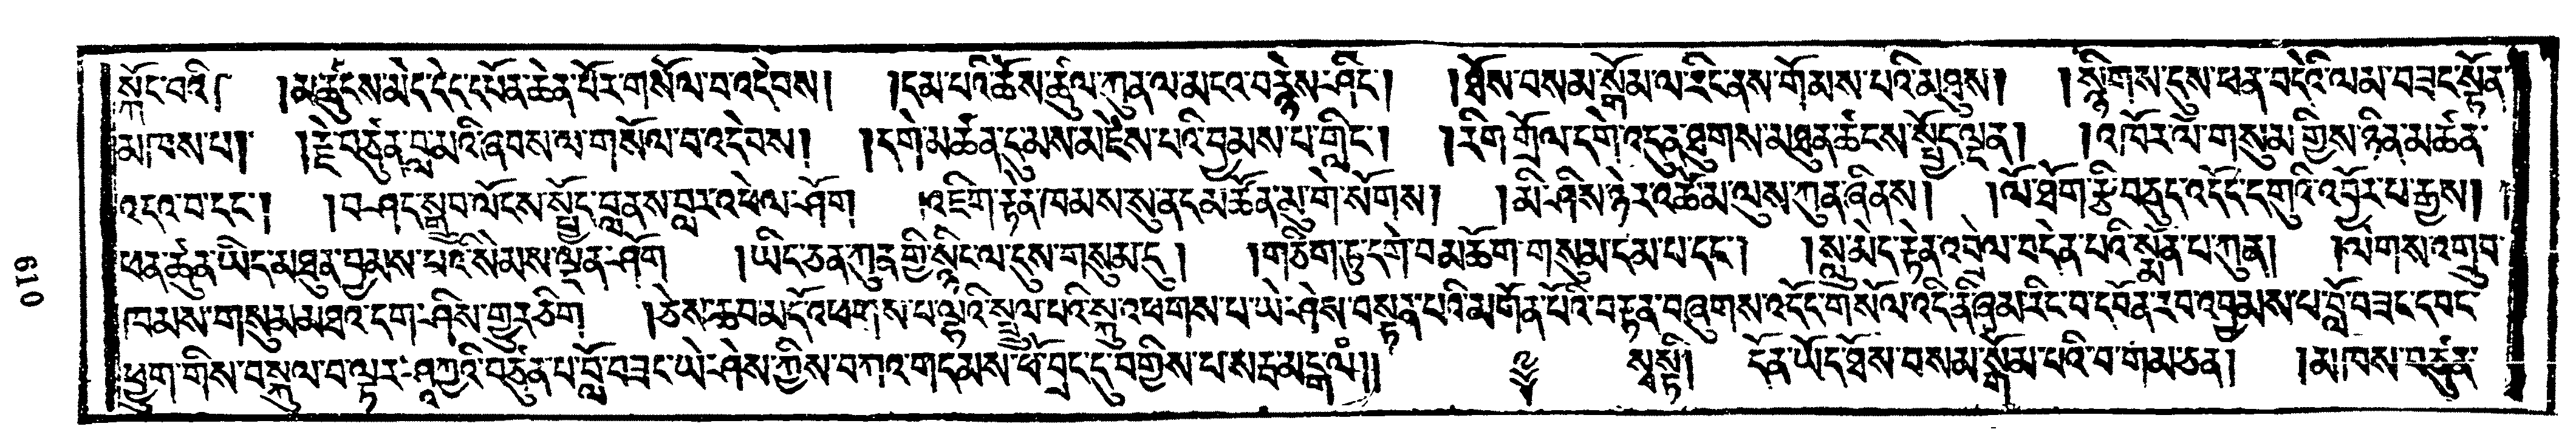སྐོང་བའི། །མཚུངས་མེད་ངེད་དཔོན་ཆེན་པོར་གསོལ་བ་འདེབས། །དམ་པའི་ཆོས་ཚུལ་ཀུན་ལ་མངའ་བརྙེས་ཤིང་། །ཐོས་བསམ་སྒོམ་ལ་རིང་ནས་གོམས་པའི་མཐུས། །སྙིགས་དུས་ཕན་བདེའི་ལམ་བཟང་སྟོན་
མཁས་པ། །རྗེ་བཙུན་བླ་མའི་ཞབས་ལ་གསོལ་བ་འདེབས། །དགེ་མཚན་དུ་མས་མཛེས་པའི་བྱམས་པ་གླིང་། །རིག་གྲོལ་དགེ་འདུན་ཐུགས་མཐུན་ཚངས་སྤྱོད་ལྡན། །འཁོར་ལོ་གསུམ་གྱིས་ཉིན་མཚན་
འདའ་བ་དང་། །བཤད་སྒྲུབ་ལོངས་སྤྱོད་བླ་ནས་བླར་འཕེལ་ཤོག །འཇིགས་རྟེན་ཁམས་སུ་ནང་མཚོན་མུ་གེ་སོགས། །མི་ཤིས་ཉེར་འཚེ་མ་ལུས་ཀུན་ཞི་ནས། །ལོ་ཐོག་རྩི་བཅུད་འདོད་དགུའི་འབྱོར་པ་རྒྱས། །
ཕན་ཚུན་ཡིད་མཐུན་བྱམས་པའི་སེམས་ལྡན་ཤོག །ཡིད་ཅན་ཀུན་གྱི་སྙིང་ལ་དུས་གསུམ་དུ། །གཅིག་ཏུ་དགེ་བ་མཆོག་གསུམ་དམ་པ་དང་། །སླུ་མེད་རྟེན་འབྲེལ་བདེན་པའི་སྨོན་པ་ཀུན། །ལེགས་འགྲུབ་
ཁམས་གསུམ་མཐའ་དག་ཤིས་གྱུར་ཅིག །ཅེས་ཆབ་མདོ་འཕགས་པ་ལྷའི་སྤྲུལ་པའི་སྐུ་འཕགས་པ་ཡེ་ཤེས་བསྟན་པའི་མགོན་པོའི་བརྟན་བཞུགས་འདོད་གསོལ་འདི་ནི་ཞམ་རིང་བ་དབོན་རབ་འབྱམས་པ་བློ་བཟང་དབང་
ཕྱུག་གིས་བསྐུལ་བ་ལྟར་ཤཱཀྱའི་བཙུན་པ་བློ་བཟང་ཡེ་ཤེས་ཀྱིས་བཀའ་གདམས་ཕོ་བྲང་དུ་བགྱིས་པ་སརྦ་མངྒ་ལཾ།། ༈ སྭསྟི། དོན་ཡོད་ཐོས་བསམ་སྒོམ་པའི་བ་གམ་ཅན། །མཁས་བཙུན་